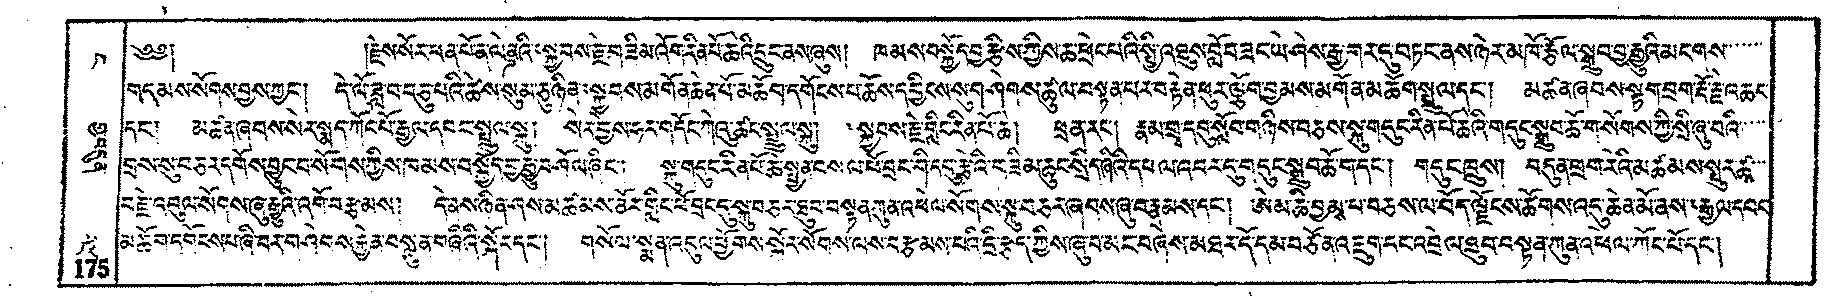༄༅། །རྗེས་སོར་ཕན་པོ་ན་ལེནྜའི་༧སྐྱབས་རྗེ་གཟིམ་འོག་རིན་པོ་ཆེའི་དྲུང་ནས་ཞུས། ཁམས་བསྐྱོད་བྱ་རྩིས་ཀྱིས་ཆ་ཕྲེང་པའི་སྤྱི་འཐུས་བློ་བཟང་ཡེ་ཤེས་རྒྱ་གར་དུ་བཏང་ནས་ཉེར་མཁོ་རྩོལ་སྒྲུབ་བྱ་རྒྱུའི་མངགས་
གདམས་སོགས་བྱས་ཀྱང་། དེ་ལོ་ཟླ་བ་བཅུ་པའི་ཚེས་སུམ་ཅུ་ཉིན་༧སྐྱབས་མགོན་ཆེན་པོ་མཆོག་དགོངས་པ་ཆོས་དབྱིངས་སུ་གཤེགས་ཚུལ་བསྟན་པར་བརྟེན་ཕུར་ལྕོག་བྱམས་མགོན་མཆོག་སྤྲུལ་དང་། མཚན་ཞབས་སྟག་བྲག་རྡོ་རྗེ་འཆང་
དང་། མཚན་ཞབས་སེར་སྨད་ཀོང་པོ་རྒྱལ་དབང་སྤྲུལ་སྐུ། སེར་བྱེས་ཧར་གདོང་ཀེའུ་ཚང་སྤྲུལ་སྐུ། ༧སྐྱབས་རྗེ་གླིང་རིན་པོ་ཆེ། ཕྲན་རང་། རྣམ་གྲྭ་དབུ་སློབ་གཉིས་བཅས་སྐུ་གདུང་རིན་པོ་ཆེའི་གདུང་སྒྲུབ་ཆོ་ག་སོགས་ཀྱི་སྲི་ཞུ་བའི་
གྲས་སུ་བཅར་དགོས་བྱུང་བ་སོགས་ཀྱིས་ཁམས་བསྐྱོད་བྱ་རྒྱུ་བཤོལ་ཞིང་། སྐུ་གདུང་རིན་པོ་ཆེ་སྤྱན་བསལ་ཕོ་བྲང་གི་དབུ་རྩེའི་གཟིམ་ཆུང་སྲིད་ཞིའི་དཔལ་འབར་དུ་གདུང་སྒྲུབ་ཆོ་ག་དང་། གདུང་ཁྲུས། བདུན་ཕྲག་རེའི་མཚམས་སྤུར་ཚྭ་
བརྗེ་འབུལ་སོགས་ཞུ་རྒྱུའི་འགོ་བརྩམས། དེ་ནས་ཉིན་ཤས་མཚམས་ནོར་གླིང་ཕོ་བྲང་དུ་སྐུ་བཅར་ཐུབ་བསྟན་ཀུན་འཕེལ་སོགས་སྐུ་བཅར་ཞབས་ཞུ་བ་རྣམས་དང་། ཨེམ་ཆི་བྱམས་པ་བཅས་ལ་བོད་ལྗོངས་ཚོགས་འདུ་ཆེན་མོ་ནས་༧རྒྱལ་དབང་
མཆོག་དགོངས་པ་ཞི་བར་གཤེགས་རྐྱེན་བསྙུན་གཞིའི་སྐོར་དང་། གསོལ་སྨན་འབུལ་ཕྱོགས་སྐོར་སོགས་ལས་བརྩམས་པའི་དྲི་རྩད་ཀྱིས་ཞུ་བ་མང་བཞེས་མཐར་དོ་དམ་བཙོན་འཇུག་དང་འབྲེལ་ཐུབ་བསྟན་ཀུན་འཕེལ་ཀོང་པོ་དང་།